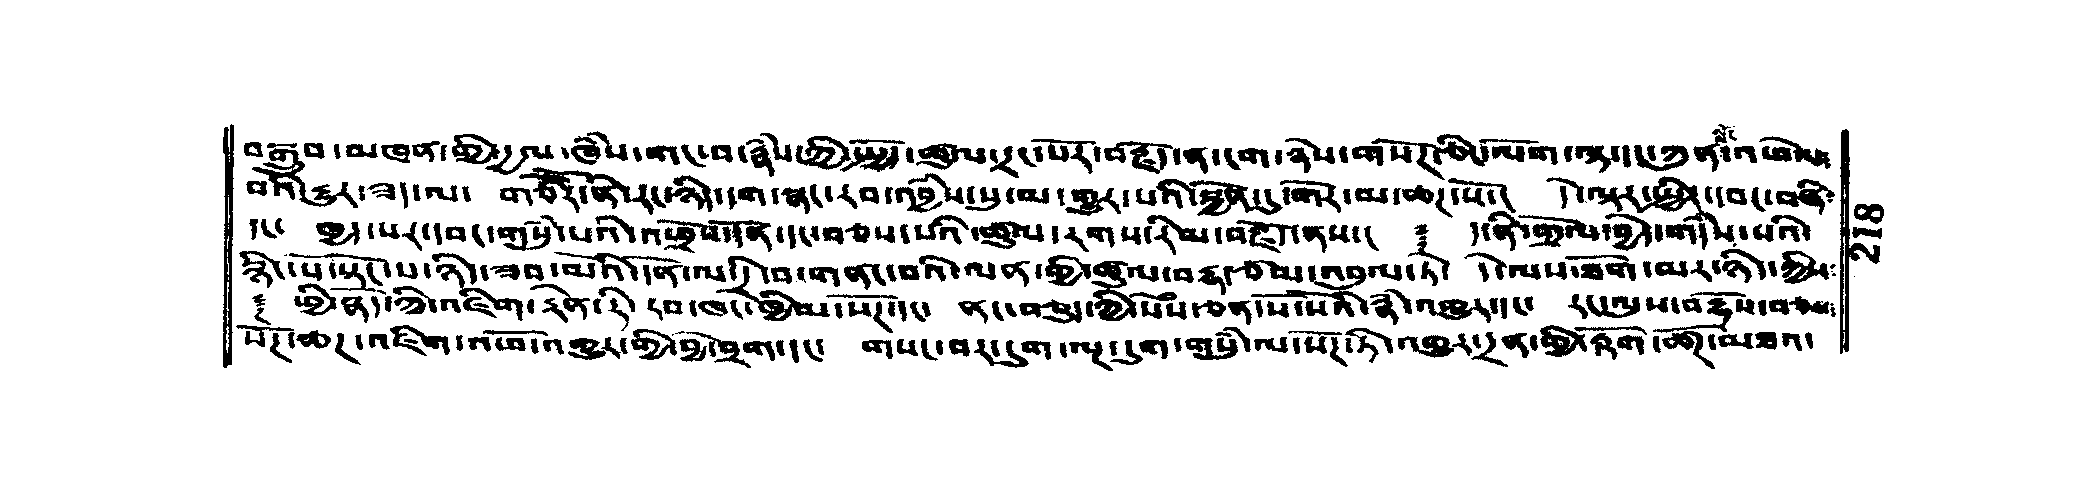བསྒྲུབ་མཁན་གྱི་རྒྱལ་ཁམས་གང་བ་རྣམས་ཀྱི་སྤྱོད་ཚུལ་དྲང་པོར་བརྗོད་ན་ངག་ཉེས་གསོག་ཅིང་ལོག་ལྟ་དང་ཀུན་སློང་འཕེལ་
བའི་རྒྱུར་ཟད་ལ། གཙོ་བོར་ནི་རང་ཉིད་དག་སྣང་རབ་འབྱམས་སུ་མ་གྱུར་པའི་སྐྱོན་དུ་གོར་མ་ཆགས་སོ། །དེ་ལྟར་སྤྱིར་དབང་བཞི་
དང་། ཁྱད་པར་དབང་གསུམ་པའི་འཕྲོས་དོན་དང་བཅས་པའི་ཚུལ་རགས་རིམ་བརྗོད་ནས། ད་ནི་གྲོལ་བྱེད་གདམས་པའི་
སྙིང་པོ་སྟོང་པ་ཉིད་ཟབ་མོའི་དོན་ལ་དྲི་བ་གནང་བའི་ལན་གྱི་ཚུལ་བརྡ་ཙམ་འབུལ་ཏེ། དེ་ལས་ཐོག་མར་ཉིད་ཀྱིས། 
ཕྱི་སྣོད་ཀྱི་འཇིག་རྟེན་རི་རབ་ཁང་ཁྱིམ་སོགས་དང་། ནང་བཅུད་ཀྱི་སེམས་ཅན་སོ་སོའི་རྣམ་འགྱུར་དང་། རང་ལུས་བརྡོས་བཅས་
སོགས་ཆགས་འཇིག་འཕོ་འགྱུར་གྱི་བྱེ་བྲག་དང་། གསང་བར་དུག་ལྔ་དུག་གསུམ་ལ་སོགས་ཏེ་འགྱུར་དྲན་གྱི་རྟོག་ཚོགས་མཐའ་